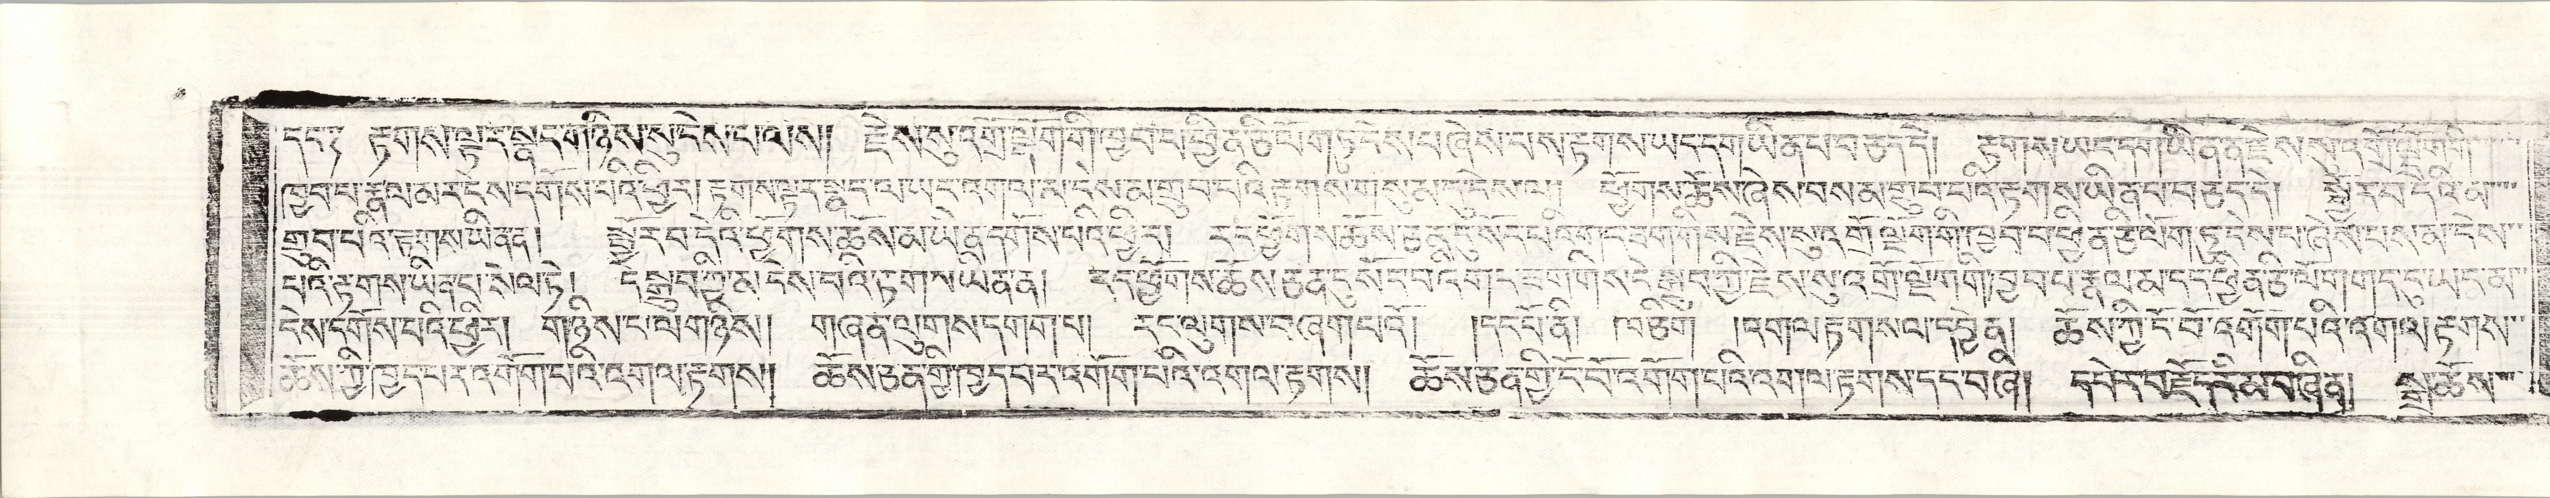དང་། རྟགས་ལྟར་སྣང་གཉིས་སུ་ངེས་པ་ལས། རྗེས་སུ་འགྲོ་ལྡོག་གི་ཁྱབ་པ་ཕྱིན་ཅི་ལོག་ཏུ་ངེས་པ་ཞེས་པས་རྟགས་ཡང་དག་ཡིན་པ་བཅད་དེ། རྟགས་ཡང་དག་ཡིན་ན་རྗེས་སུ་འགྲོ་ལྡོག་གི་
ཁྱབ་པ་རྣལ་མར་ངེས་དགོས་པའི་ཕྱིར། རྟགས་ལྟར་སྣང་ལ་ཡང་འགལ་མ་ངེས་མ་གྲུབ་པའི་རྟགས་གསུམ་དུ་ངེས་ལ། ཕྱོགས་ཆོས་ཞེས་པས་མ་གྲུབ་པའི་རྟགས་ཡིན་པ་བཅད་དེ། སྦྱོར་བ་དེའི་མ་
གྲུབ་པའི་རྟགས་ཡིན་ན། སྦྱོར་བ་དེའི་ཕྱོགས་ཆོས་མ་ཡིན་དགོས་པའི་ཕྱིར། རང་ཕྱོགས་ཆོས་ཅན་དུ་སོང་བའི་གང་ཟག་གིས་རྗེས་སུ་འགྲོ་ལྡོག་གི་ཁྱབ་པ་ཕྱིན་ཅི་ལོག་ཏུ་ངེས་པ་ཞེས་པས་མ་ངེས་
པའི་རྟགས་ཡིན་པ་སེལ་ཏེ། དེ་སྒྲུབ་ཀྱི་མ་ངེས་པའི་རྟགས་ཡིན་ན། རང་ཕྱོགས་ཆོས་ཅན་དུ་སོང་བའི་གང་ཟག་གིས་དེ་སྒྲུབ་ཀྱི་རྗེས་སུ་འགྲོ་ལྡོག་གི་ཁྱབ་པ་རྣལ་མ་དང་ཕྱིན་ཅི་ལོག་གང་དུ་ཡང་མ་
ངེས་དགོས་པའི་ཕྱིར། གཉིས་པ་ལ་གཉིས། གཞན་ལུགས་དགག་པ། རང་ལུགས་བཞག་པའོ། །དང་པོ་ནི། ཁ་ཅིག །འགལ་རྟགས་ལ་དབྱེ་ན། ཆོས་ཀྱི་ངོ་བོ་འགོག་པའི་འགལ་རྟགས།
ཆོས་ཀྱི་ཁྱད་པར་འགོག་པའི་འགལ་རྟགས། ཆོས་ཅན་གྱི་ཁྱད་པར་འགོག་པའི་འགལ་རྟགས། ཆོས་ཅན་གྱི་ངོ་བོ་འགོག་པའི་འགལ་རྟགས་དང་བཞི། དཔེར་བརྗོད་རིམ་བཞིན། སྒྲ་ཆོས་